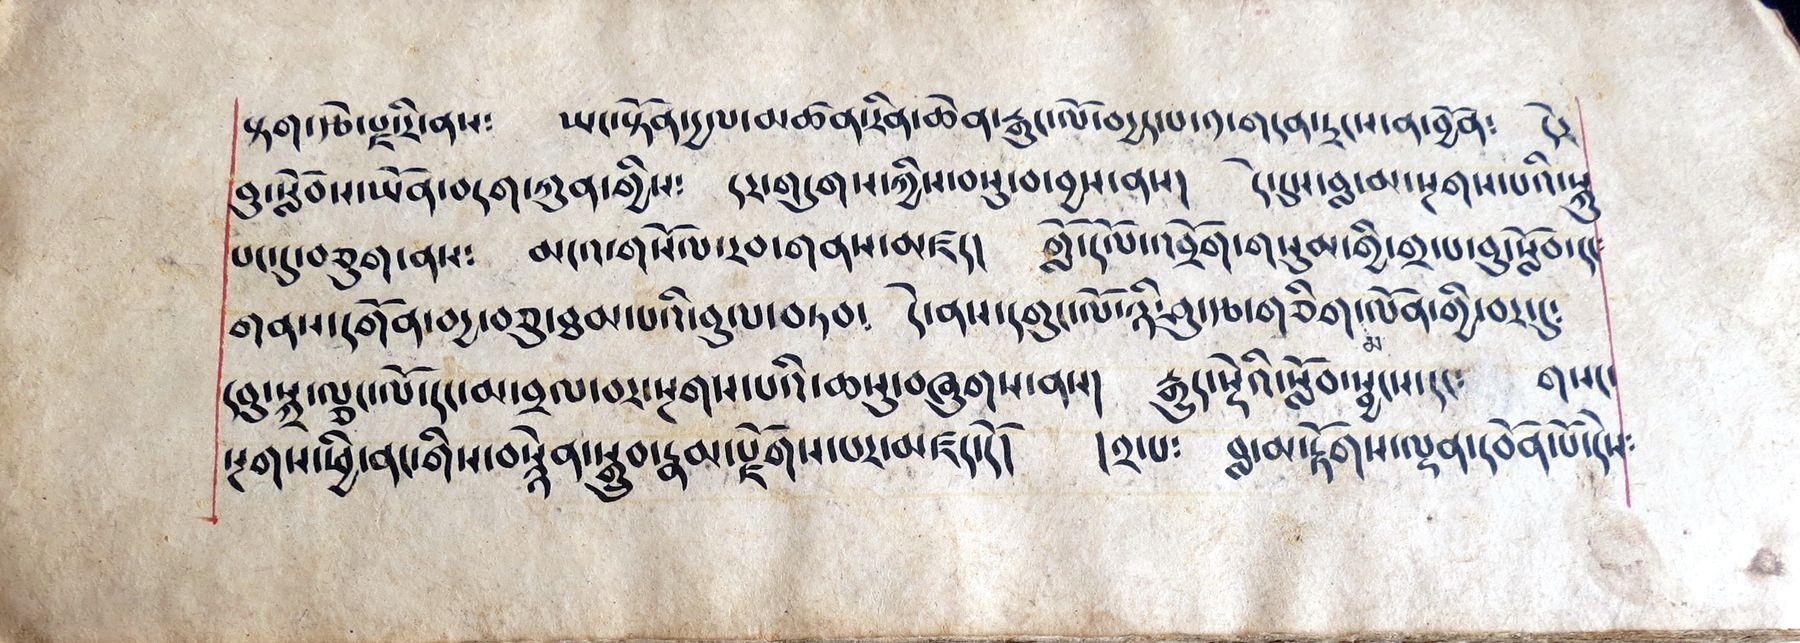སྟག་རྩེའི་རྫ་རི་ནས། ཡང་སྟོན་རྒྱལ་མཚན་རིན་ཆེན་དེ། དགུང་ལོ་བརྒྱད་པ་ཞིག་གདན་དྲངས་ནས་བྱོན། དེར་
བུ་སློབ་ཡོན་བདག་ཀུན་ཀྱིས་དར་གདུགས་ཀྱིས་བསུ་བ་བྱས། དེ་དུས་བླ་མ་སྔགས་པའི་སྐུ་
པང་དུ་བཅུག མངའ་གསོལ་རབ་གནས་མཛད། གློ་དོལ་འབྲོག་གསུམ་གྱི་གྲྭ་པ་བུ་སློབ་དང་། 
གནས་དགོན་བརྒྱད་ཅུ་ཐམ་པའི་བུལ་བཏབ། དེ་ནས་དགུང་ལོ་ཉི་ཤུ་རྩ་གཅིག་མ་ལོན་གྱི་བར། 
དབུ་སྐྲ་ལྕང་ལོ་དང་མ་བྲལ་བར། སྔགས་པའི་ཆས་སུ་བཞུགས་ནས་རྒྱུད་སྡེའི་བློ་སྦྱངས་གསང་
སྔགས་ཕྱི་ནང་གི་བསྙེན་སྒྲུབ་རྣམས་རྫོགས་པར་མཛད་དོ། །གཉིས་པ་བླ་མ་རྟོགས་ལྡན་དབོན་པོ་དེས།